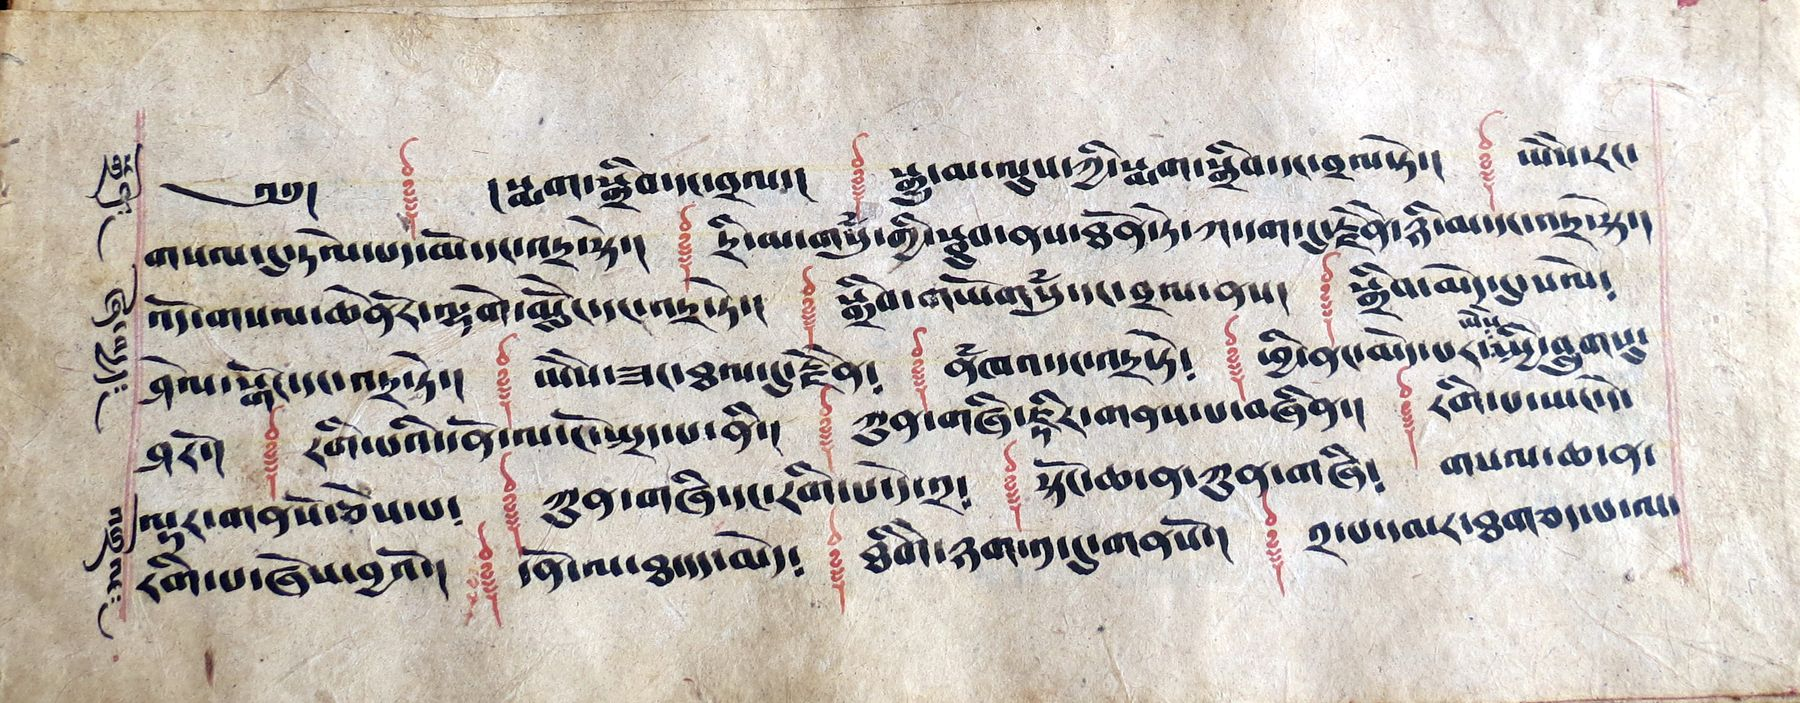སྨག་སྒྲིབ་དང་བྲལ། སྒྱུ་མ་ལུས་ཀྱི་སྨག་སྒྲིབ་དང་བྲལ་ཏེ། ཡེ་ཤེས་རང་
གསལ་ཏུ་ཏལ་ལེ། པདྨ་དང་འདྲ་སྟེ། དྲི་མ་གསུམ་གྱི་སྦུབས་ནས་ཐོན་ཏེ། ཀ་དག་ཏུ་རྗེན་ནེ། ཉི་མ་དང་འདྲ་སྟེ། 
འོད་གསལ་ཆེན་པོར་ལྷག་གེར། མེ་ལོང་དང་འདྲ་སྟེ། སྒྲིབ་གཡོགས་གསུམ་དང་བྲལ་ནས། སྒྲིབ་མེད་དུ་སལེ། 
ཤེལ་སྒོང་དང་འདྲ་སྟེ། ཡེ་ཤེས་ཟང་ཐལ་དུ་རྗེན་ནེ། ནམ་མཁའ་དང་འདྲ་སྟེ། ཕྱི་ནང་མེད་པར་ཡེ་ཤེས་སྤྱི་ལུགས་སུ་
ཤར་རོ། །ཕ༽ རིག་པའི་དོན་ལ་ངོ་སྤྲད་པ་ནི། ཀུན་གཞི་ཇི་ལྟར་གནས་པ་བཞིན། རིག་པ་ཡང་དེ་
ལྟར་གནས་སོ། །ཞེས་པས། ཀུན་གཞི་དང་རིག་པ་དེ་གཉིས་སྟོང་ཆ་ནས་ཀུན་གཞི། གསལ་ཆ་ནས་
རིག་པ་ཞེས་བྱའོ། །དོན་ལ་ཐ་དད་མེད། ཐིག་ལེ་ཉག་གཅིག་ཏུ་གནས་སོ། །གཉིས་པ་དམར་ཐག་བཅད་པ་ལ་